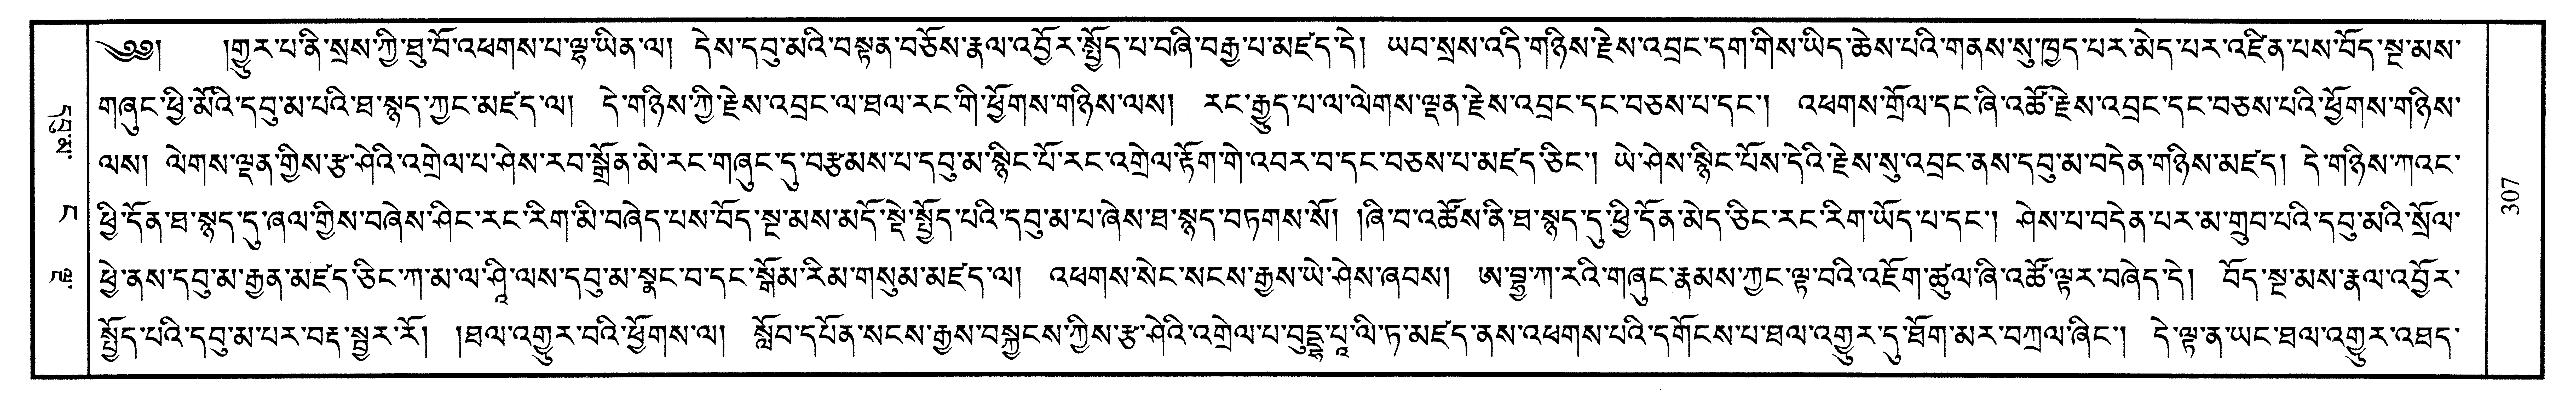༄༅། །གྱུར་པ་ནི་སྲས་ཀྱི་ཐུ་བོ་འཕགས་པ་ལྷ་ཡིན་ལ། དེས་དབུ་མའི་བསྟན་བཅོས་རྣལ་འབྱོར་སྤྱོད་པ་བཞི་བརྒྱ་པ་མཛད་དེ། ཡབ་སྲས་འདི་གཉིས་རྗེས་འབྲང་དག་གིས་ཡིད་ཆེས་པའི་གནས་སུ་ཁྱད་པར་མེད་པར་འཛིན་པས་བོད་སྔ་མས་
གཞུང་ཕྱི་མོའི་དབུ་མ་པའི་ཐ་སྙད་ཀྱང་མཛད་ལ། དེ་གཉིས་ཀྱི་རྗེས་འབྲང་ལ་ཐལ་རང་གི་ཕྱོགས་གཉིས་ལས། རང་རྒྱུད་པ་ལ་ལེགས་ལྡན་རྗེས་འབྲང་དང་བཅས་པ་དང་། འཕགས་གྲོལ་དང་ཞི་འཚོ་རྗེས་འབྲང་དང་བཅས་པའི་ཕྱོགས་གཉིས་
ལས། ལེགས་ལྡན་གྱིས་རྩ་ཤེའི་འགྲེལ་པ་ཤེས་རབ་སྒྲོན་མེ་རང་གཞུང་དུ་བརྩམས་པ་དབུ་མ་སྙིང་པོ་རང་འགྲེལ་རྟོག་གེ་འབར་བ་དང་བཅས་པ་མཛད་ཅིང་། ཡེ་ཤེས་སྙིང་པོས་དེའི་རྗེས་སུ་འབྲང་ནས་དབུ་མ་བདེན་གཉིས་མཛད། དེ་གཉིས་ཀའང་
ཕྱི་དོན་ཐ་སྙད་དུ་ཞལ་གྱིས་བཞེས་ཤིང་རང་རིག་མི་བཞེད་པས་བོད་སྔ་མས་མདོ་སྡེ་སྤྱོད་པའི་དབུ་མ་པ་ཞེས་ཐ་སྙད་བཏགས་སོ། །ཞི་བ་འཚོས་ནི་ཐ་སྙད་དུ་ཕྱི་དོན་མེད་ཅིང་རང་རིག་ཡོད་པ་དང་། ཤེས་པ་བདེན་པར་མ་གྲུབ་པའི་དབུ་མའི་སྲོལ་
ཕྱེ་ནས་དབུ་མ་རྒྱན་མཛད་ཅིང་ཀ་མ་ལ་ཤཱི་ལས་དབུ་མ་སྣང་བ་དང་སྒོམ་རིམ་གསུམ་མཛད་ལ། འཕགས་སེང་སངས་རྒྱས་ཡེ་ཤེས་ཞབས། ཨ་བྷྱ་ཀ་རའི་གཞུང་རྣམས་ཀྱང་ལྟ་བའི་འཇོག་ཚུལ་ཞི་འཚོ་ལྟར་བཞེད་དེ། བོད་སྔ་མས་རྣལ་འབྱོར་
སྤྱོད་པའི་དབུ་མ་པར་བརྡ་སྦྱར་རོ། །ཐལ་འགྱུར་བའི་ཕྱོགས་ལ། སློབ་དཔོན་སངས་རྒྱས་བསྐྱངས་ཀྱིས་རྩ་ཤེའི་འགྲེལ་པ་བུདྡྷ་པཱ་ལི་ཏ་མཛད་ནས་འཕགས་པའི་དགོངས་པ་ཐལ་འགྱུར་དུ་ཐོག་མར་བཀྲལ་ཞིང་། དེ་ལྟ་ན་ཡང་ཐལ་འགྱུར་འཐད་